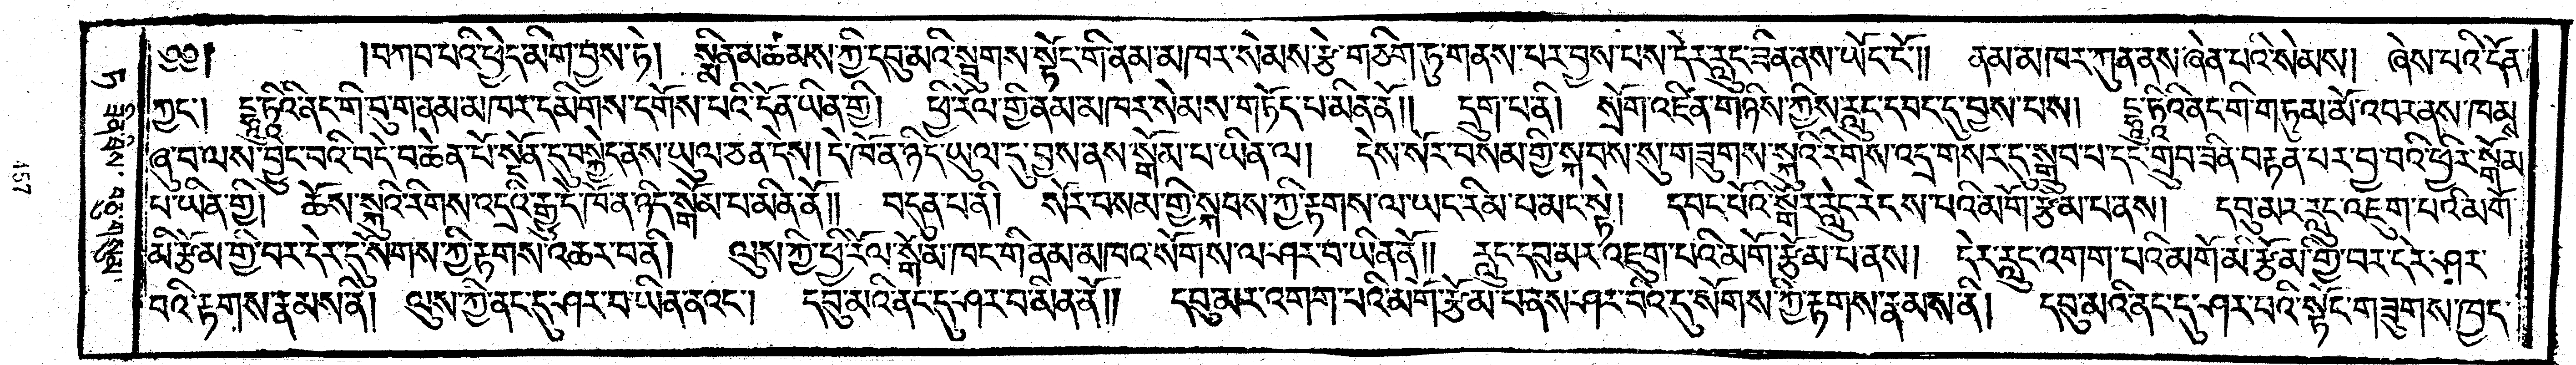༄༅། །བཀབ་པའི་ཕྱེད་མིག་བྱས་ཏེ། སྨིན་མཚམས་ཀྱི་དབུ་མའི་སྦུགས་སྟོང་གི་ནམ་མཁར་སེམས་རྩེ་གཅིག་ཏུ་གནས་པར་བྱས་པས་དེར་རླུང་ཟིན་ནས་ཡོང་ངོ།། ནམ་མཁར་ཀུན་ནས་ཞེས་པའི་སེམས། ཞེས་པའི་དོན་
ཀྱང་། དྷཱུ་ཏཱིའི་ནང་གི་བུ་གནམ་མཁར་དམིགས་དགོས་པའི་དོན་ཡིན་གྱི། ཕྱི་རོལ་གྱི་ནམ་མཁར་སེམས་གཏོད་པ་མིན་ནོ།། དྲུག་པ་ནི། སྲོག་འཛིན་གཉིས་ཀྱིས་རླུང་དབང་དུ་བྱས་པས། དྷཱུ་ཏཱིའི་ནང་གི་གཏུམ་མོ་འབར་ནས་ཁམས་
ཞུ་བ་ལས་བྱུང་བའི་བདེ་བ་ཆེན་པོ་སྔོན་དུ་བསྐྱེད་ནས་ཡུལ་ཅན་དེས། དེ་ཁོ་ན་ཉིད་ཡུལ་དུ་བྱས་ནས་སྒོམ་པ་ཡིན་ལ། དེས་སོར་བསམ་གྱི་སྐབས་སུ་གཟུགས་སྐུའི་རིགས་འདྲ་གསར་དུ་སྒྲུབ་པ་དང་གྲུབ་ཟིན་བརྟན་པར་བྱ་བའི་ཕྱིར་སྒོམ་
པ་ཡིན་གྱི། ཆོས་སྐུའི་རིགས་འདྲའི་རྒྱུ་དེ་ཁོ་ན་ཉིད་སྒོམ་པ་མིན་ནོ། བདུན་པ་ནི། སོར་བསམ་གྱི་སྐབས་ཀྱི་རྟགས་ལ་ཡང་རིམ་པ་མང་སྟེ། དབང་པོའི་སྒོར་རླུང?་རེངས་པའི་མགོ་རྩོམ་པ་ནས། དབུ་མར་རླུང་འཇུག་པའི་མགོ་
མི་རྩོམ་གྱི་བར་དེར་དུ་སོགས་ཀྱི་རྟགས་འཆར་བ་ནི། ལུས་ཀྱི་ཕྱི་རོལ་སྒོམ་ཁང་གི་ནམ་མཁའ་སོགས་ལ་ཤར་བ་ཡིན་ནོ།། རླུང་དབུ་མར་འཇུག་པའི་མགོ་རྩོམ་པ་ནས། དེར་རླུང་འགག་པའི་མགོ་མི་རྩོམ་གྱི་བར་དེར་ཤར་
བའི་རྟགས་རྣམས་ནི། ལུས་ཀྱི་ནང་དུ་ཤར་བ་ཡིན་ནའང་། དབུ་མའི་ནང་དུ་ཤར་བ་མིན་ནོ། དབུ་མར་འགག་པའི་མགོ་རྩོམ་པ་ནས་ཤར་བའི་དུ་སོགས་ཀྱི་རྟགས་རྣམས་ནི། དབུ་མའི་ནང་དུ་ཤར་པའི་སྟོང་གཟུགས་ཁྱད་